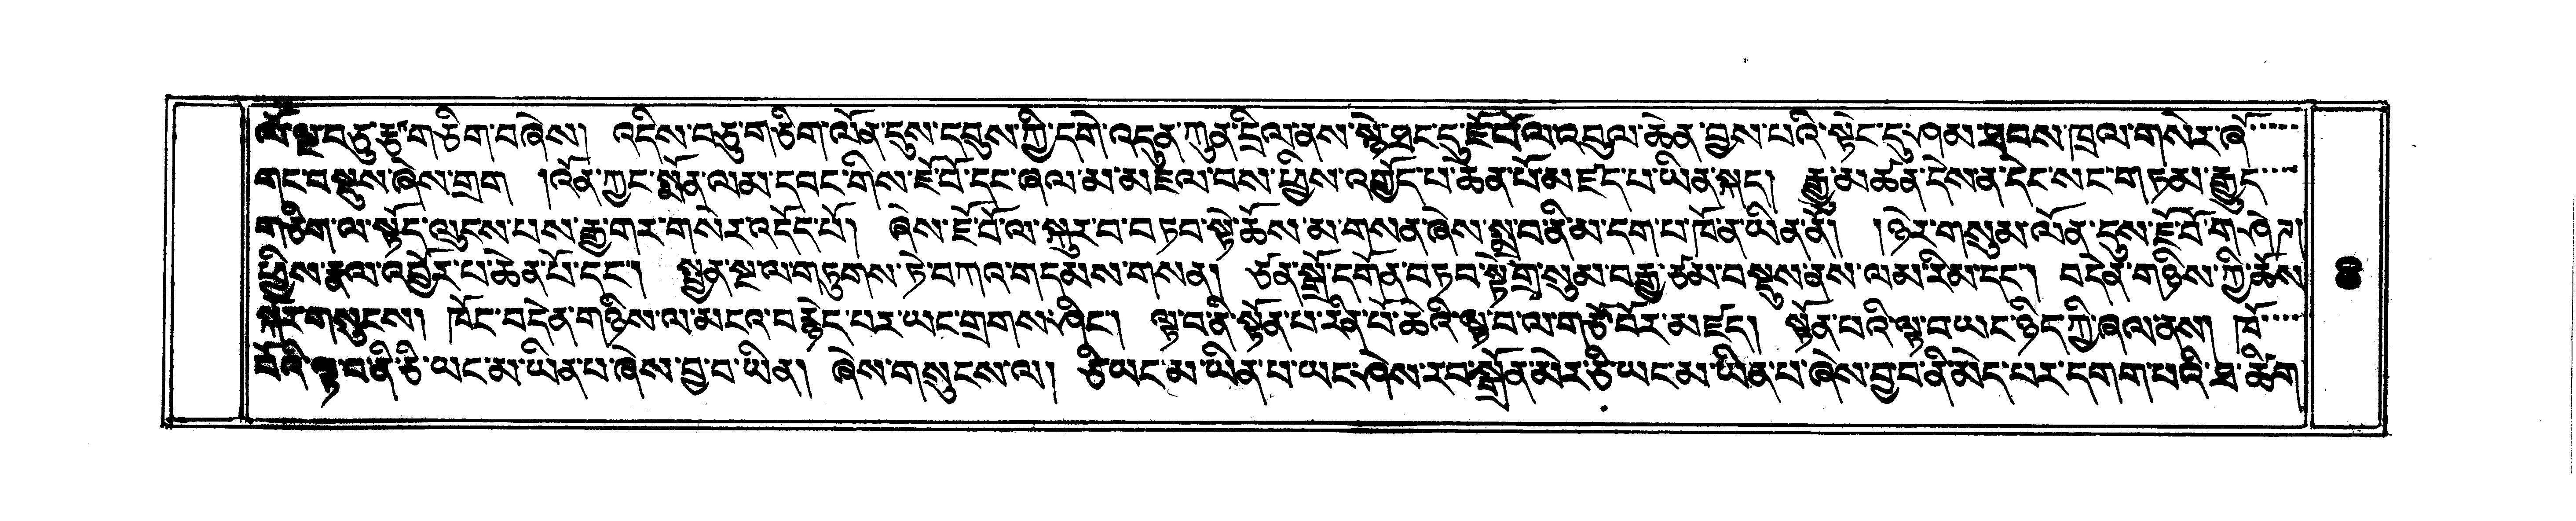ལོ་ལྔ་བཅུ་རྩ་གཅིག་བཞེས། འདིས་བཅུ་གཅིག་ལོན་དུས་དབུས་ཀྱི་དགེ་འདུན་ཀུན་དྲིལ་ནས་སྙེ་ཐང་དུ་ཇོ་བོ་ལ་འབུལ་ཆེན་བྱས་པའི་སྟེང་དུ་ཤམ་ཐབས་ཁྲལ་གསེར་ཞོ་
གང་བསྡུས་ཞེས་གྲག །འོན་ཀྱང་སྨོན་ལམ་དབང་གིས་ཇོ་བོ་དང་ཞལ་མ་མཇལ་བས་ཕྱིས་འགྱོད་པ་ཆེན་པོ་མཛད་པ་ཡིན་སྐད། རྒྱུ་མཚན་དེས་ན་དེང་སང་གཏམ་རྒྱུད་
གཅིག་ལ་སྟོད་ལུངས་པས་རྒྱ་གར་གསེར་འདོད་པོ། ཞེས་ཇོ་བོ་ལ་སྐུར་བ་བཏབ་སྟེ་ཆོས་མ་གསན་ཞེས་སྨྲ་བ་ནི་མ་དག་པ་ཁོ་ན་ཡིན་ནོ། །ཉེར་གསུམ་ལོན་དུས་ཇོ་བོ་གཤེཌ།
ཕྱིས་རྣལ་འབྱོར་པ་ཆེན་པོ་དང་། སྤྱན་སྔ་ལ་གཏུགས་ཏེ་བཀའ་གདམས་གསན། ཙན་སྒྲོ་དགོན་བཏབ་སྟེ་གྲྭ་སུམ་བརྒྱ་ཙམ་བསྡུས་ནས་ལམ་རིམ་དང་། བདེན་གཉིས་ཀྱི་ཆོས་
སྐོར་གསུངས། ཁོང་བདེན་གཉིས་ལ་མངའ་བརྙེད་པར་ཡང་གྲགས་ཤིང་། ལྟ་བ་ནི་སྟོན་པ་རིན་པོ་ཆེའི་ལྟ་བ་ལ་གཙོ་བོར་མཛད། སྟོན་པའི་ལྟ་བ་ཡང་ཉིད་ཀྱི་ཞལ་ནས། ཁོ་
བོའི་ལྟ་བ་ནི་ཅི་ཡང་མ་ཡིན་པ་ཞེས་བྱ་བ་ཡིན། ཞེས་གསུངས་ལ། ཅི་ཡང་མ་ཡིན་པ་ཡང་ཤེས་རབ་སྒྲོན་མེར་ཅི་ཡང་མ་ཡིན་པ་ཞེས་བྱ་བ་ནི་མེད་པར་དགག་པའི་ཐ་ཚིག་